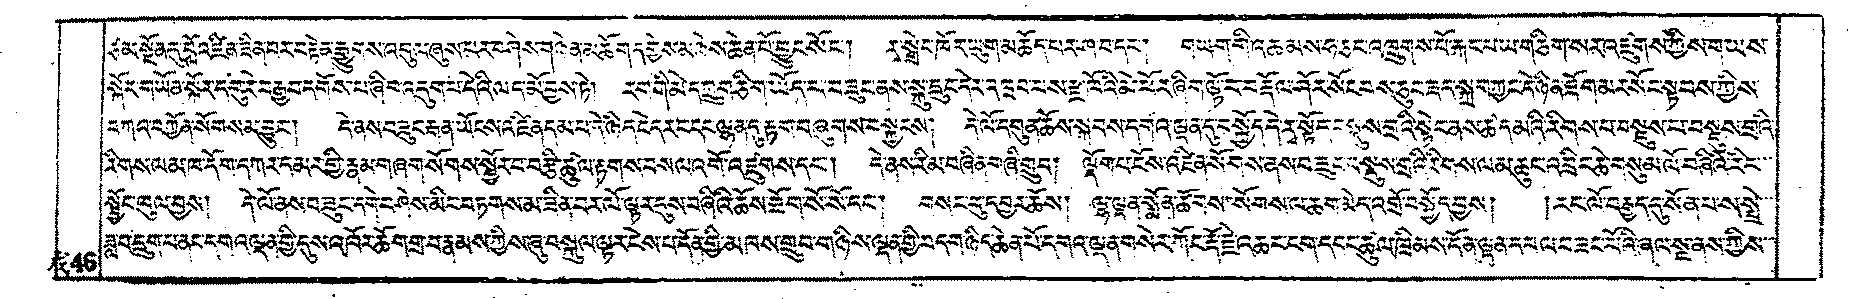ཙམ་སྔོན་དུ་བློ་འཛིན་ཟིན་པར་བརྟེན་རྒྱུགས་འབུལ་ཞུས་པར་བཤེས་གཉེན་མཆོག་དགྱེས་མཉེས་ཆེན་པོ་བྱུང་སོང་། རྭ་སྒྲེང་ཁོར་ཡུག་མཆོད་པར་ཤ་བ་དང་། གཡག་གི་འཆམས་ཧ་ཅང་འཁྲུགས་པོ་རྐང་པ་ཡ་གཅིག་སར་འཛུགས་ཀྱིས་གཡས་
སྐོར་གཡོན་སྐོར་དགུ་རེ་བརྒྱ་བ་དགོས་པ་ཞིག་འདུག་པ་དེའི་ལད་མོ་བྱས་ཏེ། རག་གི་མེ་དཀྲུག་ཅིག་ཡོད་པ་བཟུང་ནས་སྐུ་དྲུང་དེར་འཁྲབ་པས་རྫ་ཁོའི་མེ་ཕོར་ཞིག་ལྟོ་བ་བརྡོལ་ཤོར་སོང་བས་ཅུང་ཟད་སྐྲག་ཀྱང་དེ་ཉིན་ཐོག་མར་སོང་སྟབས་ཀྱིས་
བཀའ་བཀྱོན་སོགས་མ་བྱུང་། དེ་ནས་བཟུང་རྒན་ཡོངས་འཛིན་དམ་པ་དེ་ཉིད་ངེད་རང་དང་ལྷན་དུ་རྟག་བཞུགས་བསྐྱངས། དེ་ལོ་དགུན་ཆོས་སྐབས་དགའ་ལྡན་དུ་བསྐྱོད་དེ་རྭ་སྟོད་བསྡུས་གྲའི་སྟེང་ནས་ཚད་མའི་རིགས་པ་བསྡུས་པ་བསྡུས་གྲའི་
རིགས་ལམ་ཁ་དོག་དཀར་དམར་གྱི་རྣམ་གཞག་སོགས་སྦྱོར་བ་བརྩི་ཚུལ་རྟགས་བསལ་འགོ་འཛུགས་དང་། དེ་ནས་རིམ་བཞིན་གཞི་གྲུབ། ལྡོག་པ་ངོས་འཛིན་སོགས་ནས་བཟུང་བསྡུས་གྲའི་རིགས་ལམ་ཆུང་འབྲིང་ཆེ་གསུམ་ལོ་བཞིའི་རིང་
སྦྱོང་ཁུལ་བྱས། དེ་ལོ་ནས་བཟུང་དགེ་བཤེས་མིང་བཏགས་མ་ཟིན་བར་ལོ་ལྟར་དུས་བཞིའི་ཆོས་ཐོག་སོ་སོ་དང་། གསང་ཕུ་དབྱར་ཆོས། ལྷ་ལྡན་སྨོན་ཚོགས་སོགས་ལ་ཆག་མེད་འགྲོ་བསྐྱོད་བྱས། །རང་ལོ་བརྒྱད་དུ་སོན་པ་ས་སྤྲེ་
ཟླ་བ་དྲུག་པ་ནང་དགའ་ལྡན་གྱི་དུས་འཁོར་ཆོག་གྲ་བ་རྣམས་ཀྱིས་ཞུ་བསྐུལ་ལྟར་ངེས་པ་དོན་གྱི་མཁས་གྲུབ་གཉིས་ལྡན་གྱི་བདག་ཉིད་ཆེན་པོ་དགའ་ལྡན་གསེར་ཀོང་རྡོ་རྗེ་འཆང་ངག་དབང་ཚུལ་ཁྲིམས་དོན་ལྡན་དཔལ་བཟང་པོའི་ཞལ་སྔ་ནས་ཀྱིས་